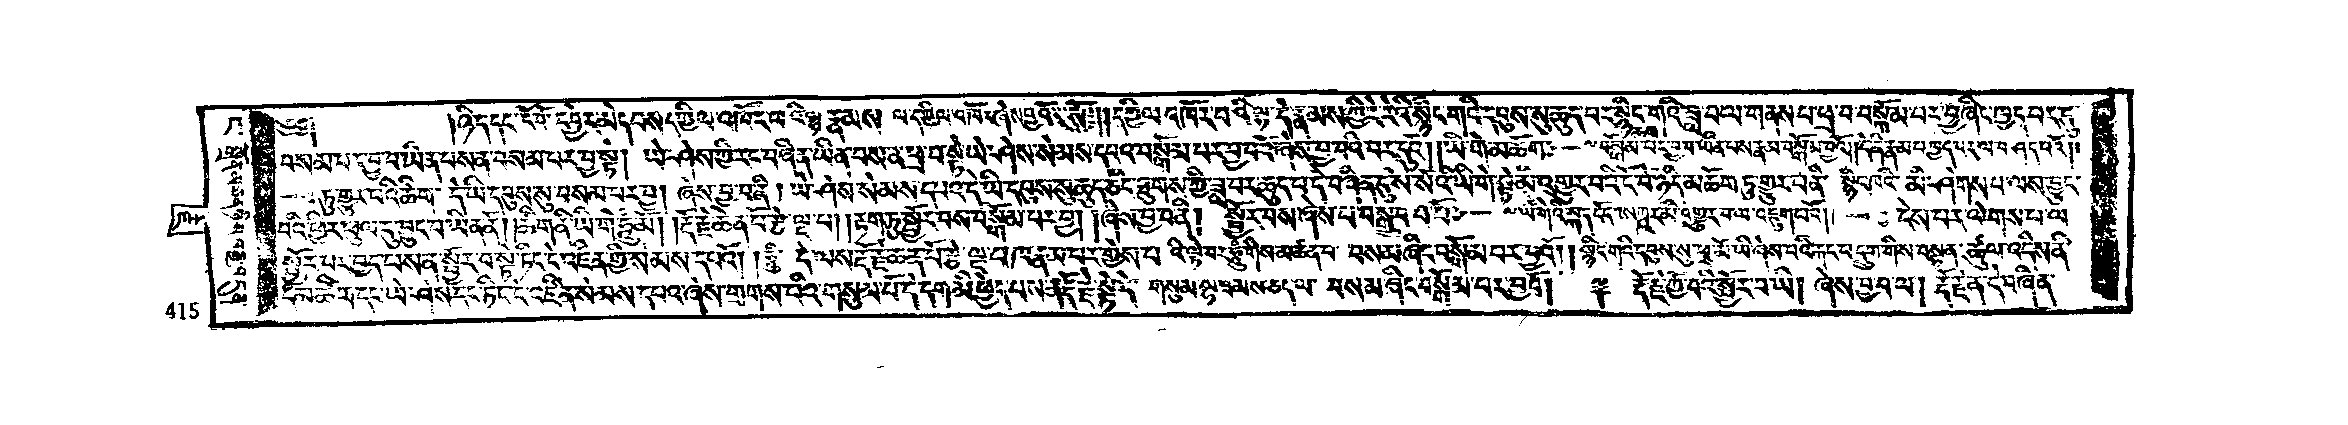༄༅། །ཉིད་དང་ངོ་བོ་དབྱེར་མེད་པས་དཀྱིལ་འཁོར་བའི་ལྷ་རྣམས་ལ་དཀྱིལ་འཁོར་ཞེས་བྱའོ་སོ། །དཀྱིལ་འཁོར་བའི་ལྷ་དེ་རྣམས་ཀྱི་རེ་རེའི་སྙིང་གའི་དབུས་སུ་ཆུད་པར་སྙིང་གའི་ཟླ་བ་ལ་གནས་པ་ཕྲ་བ་བསྒོམ་པར་བྱ་ཞིང་ཁྱད་པར་དུ་
བསམ་པར་བྱ་བ་ཡིན་པས་ན་བསམ་པར་བྱ་སྟེ། ཡེ་ཤེས་ཀྱི་རང་བཞིན་ཡིན་པས་ན་ཕྲ་བ་སྟེ་ཡེ་ཤེས་སེམས་དཔའ་བསྒོམ་པར་བྱ་བའོ་ཞེས་བྱ་བའི་བར་དུའོ། །ཡི་གེ་མཆོག་H.་༧བསྒོམ་ཆག་པར་བྱ་བ་ཡིན་པས་རྣམ་བསྒོམ་བྱའོ། །དེ་ནི་རྣམ་པ་ཁྱད་པར་ལ་བཤད་པའོ།།
.H ཏུ་གྱུར་པའི་ཚིག་དེ་ཡི་དབུས་སུ་བསམ་པར་བྱ། ཞེས་བྱ་བ་ནི། ཡེ་ཤེས་སེམས་དཔའ་དེ་ཡི་དབུས་སུ་ཆུད་ཅིང་ཐུགས་ཀྱི་ཟླ་བར་ཆུད་པ་དེ་བཞིན་དུ་སོ་སོའི་ཡི་གེ་སྟེ་མི་འགྱུར་བའི་ངོ་བོ་ཉིད་མཆོག་ཏུ་གྱུར་པ་ནི་སྙིང་གའི་མི་ཤེགས་པ་ལས་བྱུང་
བའི་ཕྱིར་ཕུལ་དུ་བྱུང་བ་ཡིན་ནོ། །ཚིག་ནི་ཡི་གེ་ཧཱུཾ་མོ། །རྡོ་རྗེ་ཆེན་པོ་རྩེ་ལྔ་པ། །རྟག་ཏུ་སྦྱོར་བས་བསྒོམ་པར་བྱ། །ཞེས་བྱ་བ་ནི། སྦྱོར་བས་ཞེས་པ་བསྒྲུབ་པ་པོ་H.་༧ཡི་གེའི་སྐད་དོང་ཨཀྵར་མི་འགྱུར་བ་ལ་འཇུག་པའོ།།  .H ངེས་པར་ལེགས་པ་ལ་
སྦྱོར་བར་བྱེད་པས་ན་སྦྱོར་བ་སྟེ་ཏིང་ངེ་འཛིན་གྱི་སེམས་དཔའོ། ། ཧཱུཾ་དེ་ལས་རྡོ་རྗེ་ཆེན་པོ་རྩེ་ལྔ་པ་ཁ་རྣམ་པར་གྱེས་པའི་ལྟེ་བར་ཧཱུཾ་གིས་མཚན་པ་བསམ་ཞིང་བསྒོམ་པར་བྱའོ། ། སྙིང་གའི་དབུས་སུ་ཕྲ་མོ་ཡི་ཞེས་པའི་རྐང་པ་དྲུག་གིས་བསྟན་ཚུལ་འདིས་ནི་
དམ་ཚིག་དང་ཡེ་ཤེས་དང་ཏིང་ངེ་འཛིན་སེམས་དཔའ་ཞེས་གྲགས་པའི་གསུམ་པོ་དེ་དག་མི་ཕྱེད་པས་ན་རྡོ་རྗེ་སྟེ་དེ་གསུམ་ལྷ་ཐམས་ཅད་ལ་བསམ་ཞིང་བསྒོམ་པར་བྱའོ། ༈ རྡོ་རྗེ་ཀྱོ་བའི་སྦྱོར་བ་ཡི། ཞེས་བྱ་བ་ལ། རྡོ་རྗེ་ནི་དེ་བཞིན་